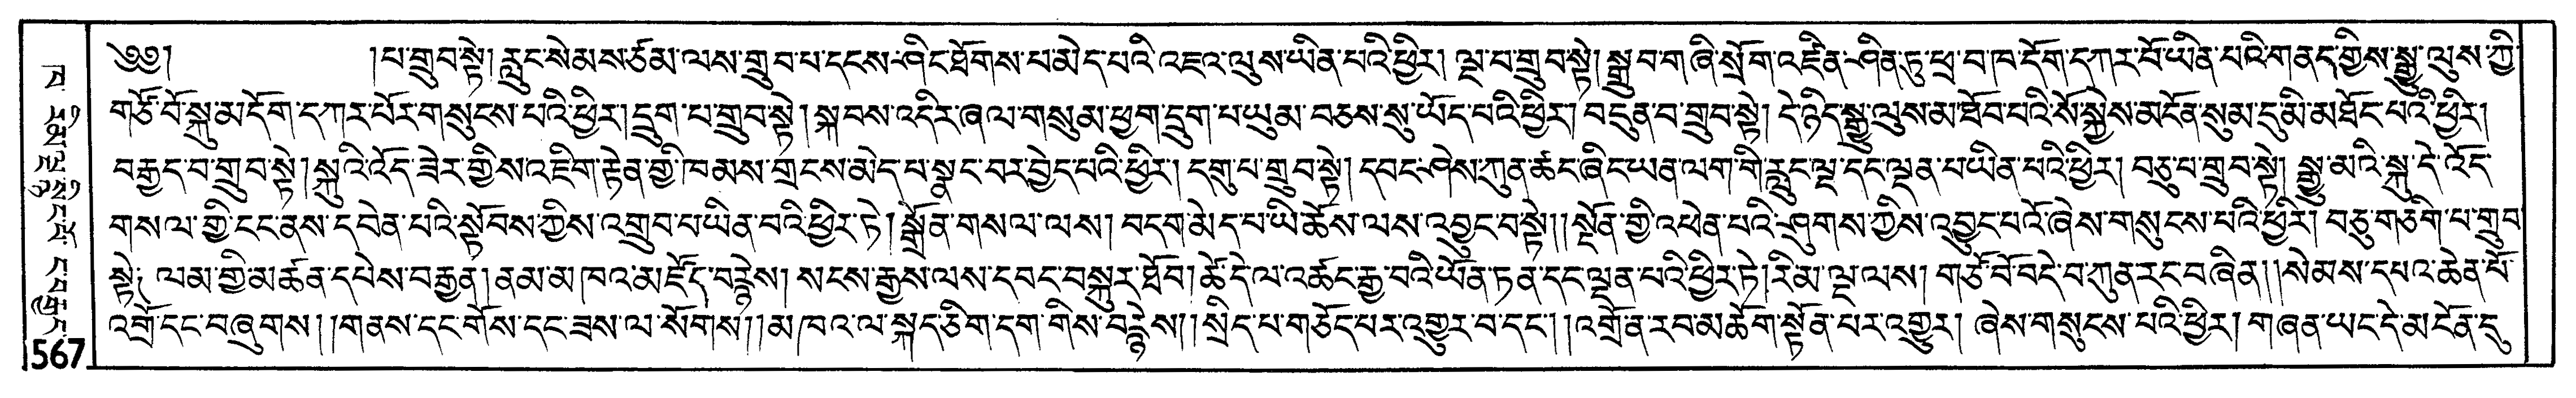༄༅། །པ་གྲུབ་སྟེ། རླུང་སེམས་ཙམ་ལས་གྲུབ་པ་དངས་ཤིང་ཐོགས་པ་མེད་པའི་འཇའ་ལུས་ཡིན་པའི་ཕྱིར། ལྔ་པ་གྲུབ་སྟེ། སྒྲུབ་གཞི་སྲོག་འཛིན་ཤིན་ཏུ་ཕྲ་བ་ཁ་དོག་དཀར་པོ་ཡིན་པའི་གནད་ཀྱིས་སྒྱུ་ལུས་ཀྱི་
གཙོ་བོ་སྐུ་མདོག་དཀར་པོར་གསུངས་པའི་ཕྱིར། དྲུག་པ་གྲུབ་སྟེ། སྐབས་འདིར་ཞལ་གསུམ་ཕྱག་དྲུག་པ་ཡུམ་བཅས་སུ་ཡོད་པའི་ཕྱིར། བདུན་པ་གྲུབ་སྟེ། དེ་ཉིད་སྒྱུ་ལུས་མ་ཐོབ་པའི་སོ་སྐྱེས་མངོན་སུམ་དུ་མི་མཐོང་པའི་ཕྱིར།
བརྒྱད་བ་གྲུབ་སྟེ། སྐུའི་འོད་ཟེར་གྱིས་འཇིག་རྟེན་གྱི་ཁམས་གྲངས་མེད་པ་སྣང་བར་བྱེད་པའི་ཕྱིར། དགུ་པ་གྲུབ་སྟེ། དབང་ཤེས་ཀུན་ཚང་ཞིང་ཡན་ལག་གི་རླུང་ལྔ་དང་ལྡན་པ་ཡིན་པའི་ཕྱིར། བཅུ་པ་གྲུབ་སྟེ། སྒྱུ་མའི་སྐུ་དེ་འོད་
གསལ་གྱི་ངང་ནས་དབེན་པའི་སྟོབས་ཀྱིས་འགྲུབ་པ་ཡིན་པའི་ཕྱིར་ཏེ། སྒྲོན་གསལ་ལས། བདག་མེད་པ་ཡི་ཆོས་ལས་འབྱུང་བ་སྟེ། །སྔོན་གྱི་འཕེན་པའི་ཤུགས་ཀྱིས་འབྱུང་པའོ་ཞེས་གསུངས་པའི་ཕྱིར། བཅུ་གཅིག་པ་གྲུབ་
སྟེ༑ ལམ་གྱི་མཚན་དཔེས་བརྒྱན། ནམ་མཁའ་མཛོད་བརྙེས། སངས་རྒྱས་ལས་དབང་བསྐུར་ཐོབ། ཚེ་དེ་ལ་འཚང་རྒྱ་བའི་ཡོན་ཏན་དང་ལྡན་པའི་ཕྱིར་ཏེ། རི་མ་ལྔ་ལས། གཙོ་བོ་བདེ་བ་ཀུན་རང་བཞིན། །སེམས་དཔའ་ཆེན་པོ་
འགྲོ་དང་བཞུགས། །གནས་དང་གོས་དང་ཟས་ལ་སོགས། །མཁའ་ལ་སྐད་ཅིག་དག་གིས་བརྙེས། །སྲིད་པ་གཅོད་པར་འགྱུར་བ་དང་། །འགྲོ་ན་རབ་མཆོག་སྟོན་པར་འགྱུར། ཞེས་གསུངས་པའི་ཕྱིར། གཞན་ཡང་དེ་མངོན་དུ་